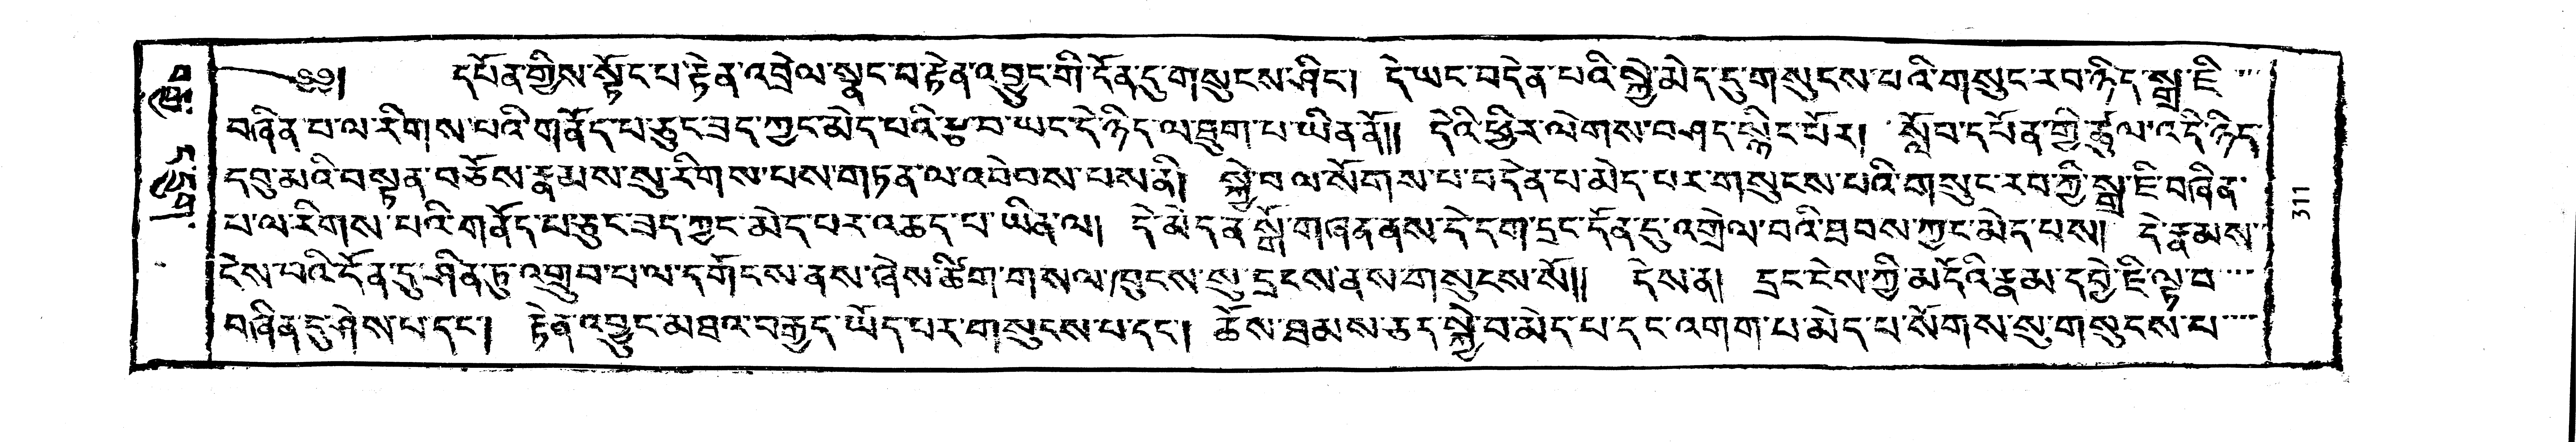༄༅། །དཔོན་གྱིས་སྟོང་པ་རྟེན་འབྲེལ་སྣང་བ་རྟེན་འབྱུང་གི་དོན་དུ་གསུངས་ཤིང་། དེ་ཡང་བདེན་པའི་སྐྱེ་མེད་དུ་གསུངས་པའི་གསུང་རབ་ཉིད་སྒྲ་ཇི་
བཞིན་པ་ལ་རིགས་པའི་གནོད་པ་ཅུང་ཟད་ཀྱང་མེད་པའི་རྩ་བ་ཡང་དེ་ཉིད་ལ་ཐུག་པ་ཡིན་ནོ། །དེའི་ཕྱིར་ལེགས་བཤད་སྙིང་པོར། སློབ་དཔོན་གྱི་ཚུལ་འདི་ཉིད་
དབུ་མའི་བསྟན་བཅོས་རྣམས་སུ་རིགས་པས་གཏན་ལ་འབེབས་པས་ནི། སྐྱེ་བ་ལ་སོགས་པ་བདེན་པ་མེད་པར་གསུངས་པའི་གསུངས་རབ་ཀྱི་སྒྲ་ཇི་བཞིན་
པ་ལ་རིགས་པའི་གནོད་པ་ཅུང་ཟད་ཀྱང་མེད་པར་འཆད་པ་ཡིན་ལ། དེ་མེད་ན་སྒོ་གཞན་ནས་དེ་དག་དྲང་དོན་དུ་འགྲེལ་བའི་ཐབས་ཀྱང་མེད་པས། དེ་རྣམས་
དེས་པའི་དོན་དུ་ཤིན་ཏུ་འགྲུབ་པ་ལ་དགོངས་ནས་ཞེས་ཚིག་གསལ་ཁུངས་སུ་དྲངས་ནས་གསུངས་སོ། །དེས་ན། དྲང་ངེས་ཀྱི་མདོའི་རྣམ་དབྱེ་ཇི་ལྟ་བ་
བཞིན་དུ་ཤེས་པ་དང་། རྟེན་འབྱུང་མཐའ་བརྒྱད་ཡོད་པར་གསུངས་པ་དང་། ཆོས་ཐམས་ཅད་སྐྱེ་བ་མེད་པ་དང་འགག་པ་མེད་པ་སོགས་སུ་གསུངས་པ་